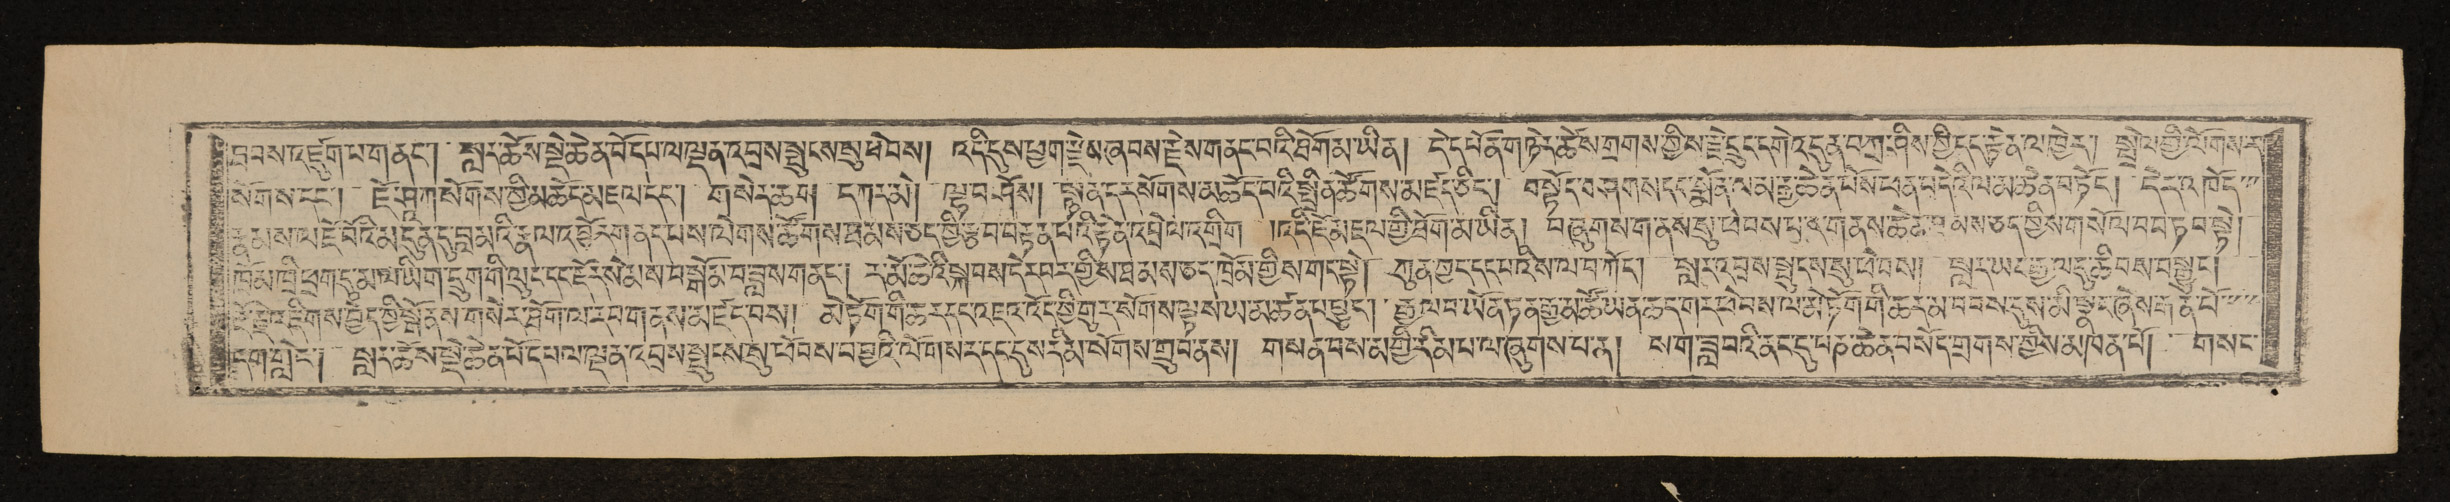ཐབས་འཛུག་པ་གནང་། སླར་ཆོས་སྡེ་ཆེན་པོ་དཔལ་ལྡན་འབྲས་སྤུངས་སུ་ཕེབས། འདི་དུས་ཕྱག་རྗེས་ཞབས་རྗེས་གནང་བའི་ཐོག་མ་ཡིན། དེ་དཔོན་གཉེར་ཆོས་གྲགས་ཀྱིས་རྗེ་དྲུང་དགེ་འདུན་བཀྲ་ཤིས་ཀྱི་དད་རྟེན་ལ་ཁྱེར། སྤྲེལ་གྱི་ལོ་གསར་
སོགས་དང་། ཇོ་ཤཱཀ་སོགས་ཀྱི་མཆོད་མཇལ་དང་། གསེར་ཆབ། དཀར་མེ། ལྷ་བཤོས། སྙན་དར་སོགས་མཆོད་པའི་སྤྲིན་ཚོགས་མཛད་ཅིང་། བསྟོད་བཤགས་དང་སྨོན་ལམ་རྒྱ་ཆེན་པོས་ཕན་བདེའི་ལམ་ཆེན་བཏོད། དེར་འཁོད་
རྣམས་ལ་ཇོ་བོའི་མདུན་དུ་བླ་མའི་རྣལ་འབྱོར་གནང་བས་ལེགས་ཚོགས་ཐམས་ཅད་ཀྱི་རྩ་བ་བརྟན་པའི་རྟེན་འབྲེལ་འགྲིག །འདི་ཇོ་མཇལ་གྱི་ཐོག་མ་ཡིན། བཞུགས་གནས་སུ་ཕེབས་པར་གནས་ཆེན་ཐམས་ཅད་ཀྱིས་གསོལ་བ་བཏབ་སྟེ།
ཁྲོམ་ཁྲི་ཕྲག་དུ་མ་ལ་ཡིག་དྲུག་གི་ལུང་དང་རྡོར་སེམས་བསྒོམ་བཟླས་གནང་། ར་མོ་ཆེའི་སྐབས་དེར་བར་གྱིས་ཐམས་ཅད་ཁྲོམ་གྱིས་གང་སྟེ། ཀུན་ཀྱང་དད་པའི་ས་ལ་བཀོད། སླར་འབྲས་སྤུངས་སུ་ཕེབས། སླར་ཡང་རྒྱལ་དུ་ཆིབས་བསྒྱུར།
རྡོ་རྗེ་འཇིགས་བྱེད་ཀྱི་སྒོ་ནས་གསེར་ཐོག་ལ་རབ་གནས་མཛད་པས། མེ་ཏོག་གི་ཆར་དང་འཇའ་འོད་ཀྱི་གུང་སོགས་ལྟས་ཡ་མཚན་པ་བྱུང་། རྒྱལ་བ་ཡོན་ཏན་རྒྱ་མཚོ་ཡན་ཆད་གར་ཕེབས་ལ་མེ་ཏོག་གི་ཆར་མ་བབས་དུས་མི་སྣང་ཞེས་རྒན་པོ་
དག་གླེང་། སླར་ཆོས་སྡེ་ཆེན་པོ་དཔལ་ལྡན་འབྲས་སྤུངས་སུ་ཕེབས་ས་བྱའི་ལོ་གསར་དང་དུས་རིམ་སོགས་གྲུབ་ནས། གསན་བསམ་གྱི་རིམ་པ་ལ་ཞུགས་པ་ན། ས་ག་ཟླ་བའི་ནང་དུ་པཎ་ཆེན་བསོད་གྲགས་ཀྱིས་མཁན་པོ། གསང་